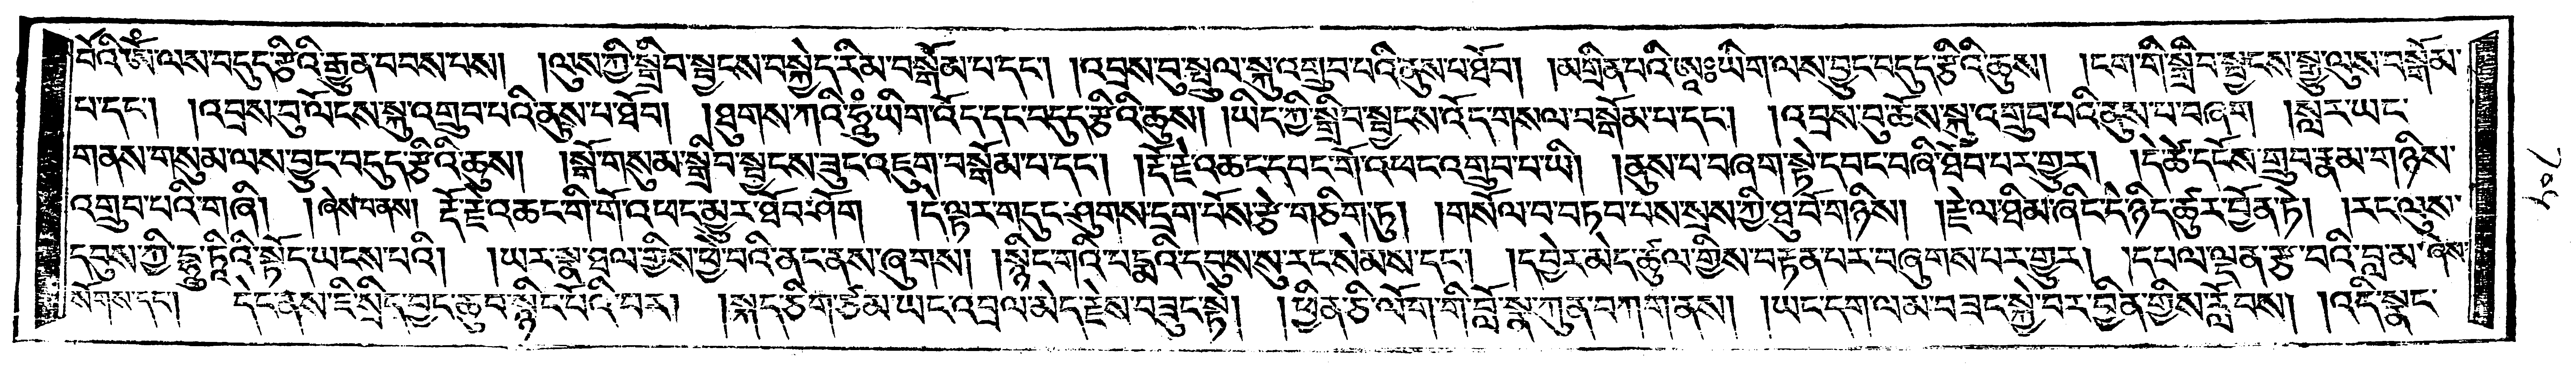བོའི་ཨོཾ་ལས་བདུད་རྩིའི་རྒྱུན་བབས་པས། །ལུས་ཀྱི་སྒྲིབ་སྦྱངས་བསྐྱེད་རིམ་བསྒོམ་པ་དང་། །འབྲས་བུ་སྤྲུལ་སྐུ་འགྲུབ་པའི་ནུས་པ་ཐོབ། །མགྲིན་པའི་ཨཱཿ ཡིག་ལས་བྱུང་བདུད་རྩིའི་ཆུས། །ངག་གི་སྒྲིབ་སྦྱངས་སྒྱུ་ལུས་བསྒོམ་
པ་དང་། །འབྲས་བུ་ལོངས་སྐུ་འགྲུབ་པའི་ནུས་པ་ཐོབ། །ཐུགས་ཀའི་ཧཱུཾ་ཡིག་འོད་དང་བདུད་རྩིའི་ཆུས། །ཡིད་ཀྱི་སྒྲིབ་སྦྱངས་འོད་གསལ་བསྒོམ་པ་དང་། །འབྲས་བུ་ཆོས་སྐུ་འགྲུབ་པའི་ནུས་པ་བཞག །སླར་ཡང་
གནས་གསུམ་ལས་བྱུང་བདུད་རྩིའི་ཆུས། །སྒོ་གསུམ་སྒྲིབ་སྦྱངས་ཟུང་འཇུག་བསྒོམ་པ་དང་། །རྡོ་རྗེ་འཆང་དབང་གོ་འཕང་འགྲུབ་པ་ཡི། །ནུས་པ་བཞག་སྟེ་དབང་བཞི་ཐོབ་པར་གྱུར། །དེ་ཚེ་དངོས་གྲུབ་རྣམ་གཉིས་
འགྲུབ་པའི་གཞི། །ཞེས་པ་ནས། རྡོ་རྗེ་འཆང་གི་གོ་འཕང་མྱུར་ཐོབ་ཤོག །དེ་ལྟར་གདུང་ཤུགས་དྲག་པོས་རྩེ་གཅིག་ཏུ། །གསོལ་བ་བཏབ་པས་སྲས་ཀྱི་ཐོ་བོ་གཉིས། །རྗེ་ལ་ཐིམ་ཞིང་དེ་ཉིད་ཚུར་བྱོན་ཏེ། །རང་ལུས་
དངུས་ཀྱི་དྷཱུ་ཏཱིའི་སྟོད་ཡངས་པའི། །ཡར་སྣ་ཐལ་གྱིས་ཕྱེ་བའི་ནང་ནས་ཞུགས། །སྙིང་གའི་པདམའི་དབུས་སུ་རང་སེམས་དང་། །དབྱེར་མེད་ཚུལ་གྱིས་བརྟན་པར་བཞུགས་པར་གྱུར། །དཔལ་ལྡན་རྩ་བའི་བླ་མ་ཞེས་
སོགས་དང་། དེང་ནས་ཇི་སྲིད་བྱང་ཆུབ་སྙིང་པོའི་བར། །སྐད་ཅིག་ཙམ་ཡང་འབྲལ་མེད་རྗེས་བཟུང་སྟེ། །ཕྱིན་ཅི་ལོག་གི་བློ་སྣ་ཀུན་བཀག་ནས། །ཡང་དག་ལམ་བཟང་སྐྱེ་བར་བྱིན་གྱིས་རློབས། །འདི་སྣང་